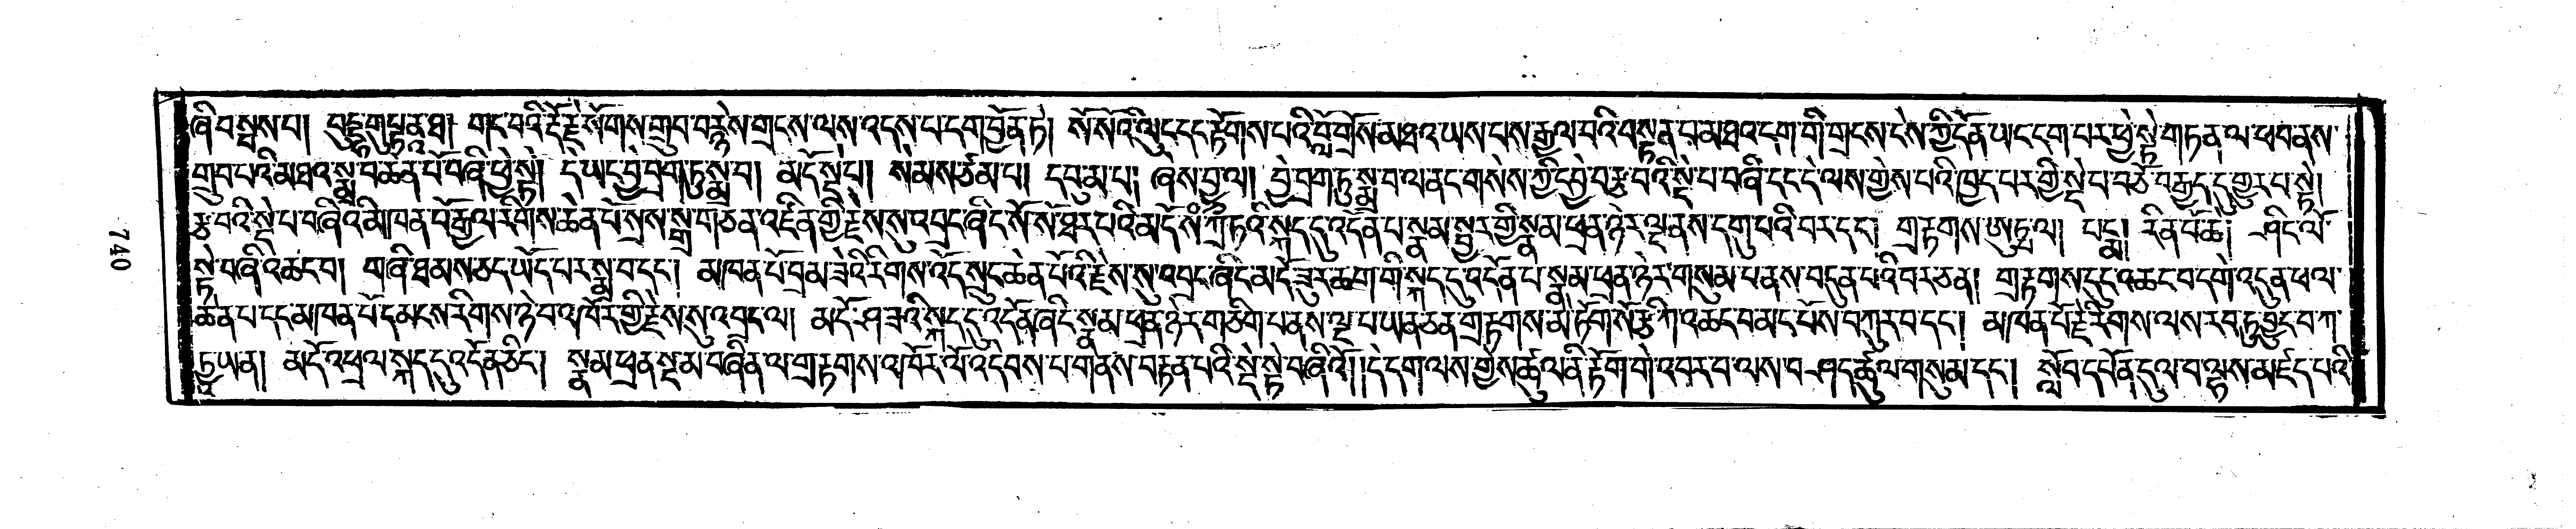ཞིབ་སྦས་པ། བུདྡྷ་གུཔྟ་ནཱ་ཐ། གང་བའི་རྡོ་རྗེ་སོགས་གྲུབ་བརྙེས་གྲངས་ལས་འདས་པ་དག་བྱོན་ཏེ། སོ་སོའི་ལུང་དང་རྟོགས་པའི་བློ་གྲོས་མཐའ་ཡས་པས་རྒྱལ་བའི་བསྟན་པ་མཐའ་དག་གི་གྲངས་ངེས་ཀྱི་དོན་ཡང་དག་པར་ཕྱེ་སྟེ་གཏན་ལ་ཕབ་ནས་
གྲུབ་པའི་མཐའ་སྨྲ་བ་ཆེན་པོ་བཞི་ཕྱེ་སྟེ། དེ་ཡང་བྱེ་བྲག་ཏུ་སྨྲ་བ། མདོ་སྡེ་པ། སེམས་ཙམ་པ། དབུ་མ་པ། ཞེས་བྱ་ལ། བྱེ་བྲག་ཏུ་སྨྲ་བ་ལ་ནང་གསེས་ཀྱི་དབྱེ་བ་རྩ་བའི་སྡེ་པ་བཞི་དང་དེ་ལས་གྱེས་པའི་ཁྱད་པར་གྱི་སྡེ་པ་བཅོ་བརྒྱད་དུ་གྱུར་པ་སྟེ།
རྩ་བའི་སྡེ་པ་བཞིའི་མཁན་པོ་རྒྱལ་རིགས་ཆེན་པོ་སྲས་སྒྲ་གཅན་འཛིན་གྱི་རྗེས་སུ་འབྲང་ཞིང་སོ་སོ་ཐར་པའི་མདོ་སཾ་ཀྲྀ་ཏའི་སྐད་དུ་འདོན་པ་སྣམ་སྦྱར་གྱི་སྣམ་ཕྲན་ཉེར་ལྔ་ནས་དགུ་པའི་བར་དང་། གྲ་རྟགས་ཨུཏྤ་ལ། པདམ། རིན་པོ་ཆེ། ཤིང་ལོ་
སྟེ་བཞི་འཚང་བ། གཞི་ཐམས་ཅད་ཡོད་པར་སྨྲ་བ་དང་། མཁན་པོ་བྲམ་ཟེའི་རིགས་འོད་སྲུང་ཆེན་པོའི་རྗེས་སུ་འབྲང་ཞིང་མདོ་ཟུར་ཆག་གི་སྐད་དུ་འདོན་པ་སྣམ་ཕྲན་ཉེར་གསུམ་པ་ནས་བདུན་པའི་བར་ཅན། གྲ་རྟགས་དུང་འཆང་བ་དགེ་འདུན་ཕལ་
ཆེན་པ་དང་མཁན་པོ་དམངས་རིགས་ཉེ་བ་འཁོར་གྱི་རྗེས་སུ་འབྲང་ལ། མདོ་ཤ་ཟའི་སྐད་དུ་འདོན་ཞིང་སྣམ་ཕྲན་ཉེར་གཅིག་པ་ནས་ལྔ་པ་ཡན་ཅན་གྲ་རྟགས་མེ་ཏོག་སོ་རྩ་ཀི་འཆང་ཨབ་མང་པོས་བཀུར་བ་དང་། མཁན་པོ་རྗེ་རིགས་ལས་རབ་ཏུ་བྱུང་བ་ཀ་
ཏྱཱ་ཡ་ན། མདོ་འཕྲལ་སྐད་དུ་འདོན་ཅིང་། སྣམ་ཕྲན་སྔ་མ་བཞིན་ལ་གྲ་རྟགས་འཁོར་ལོ་འདེབས་པ་གནས་བརྟན་པའི་སྡེ་སྟེ་བཞིའོ། །དེ་དག་ལས་གྱེས་ཚུལ་ནི་རྟོག་གེ་འབར་བ་ལས་བཤད་ཚུལ་གསུམ་དང་། སློབ་དཔོན་དུལ་བ་ལྷས་མཛད་པའི་